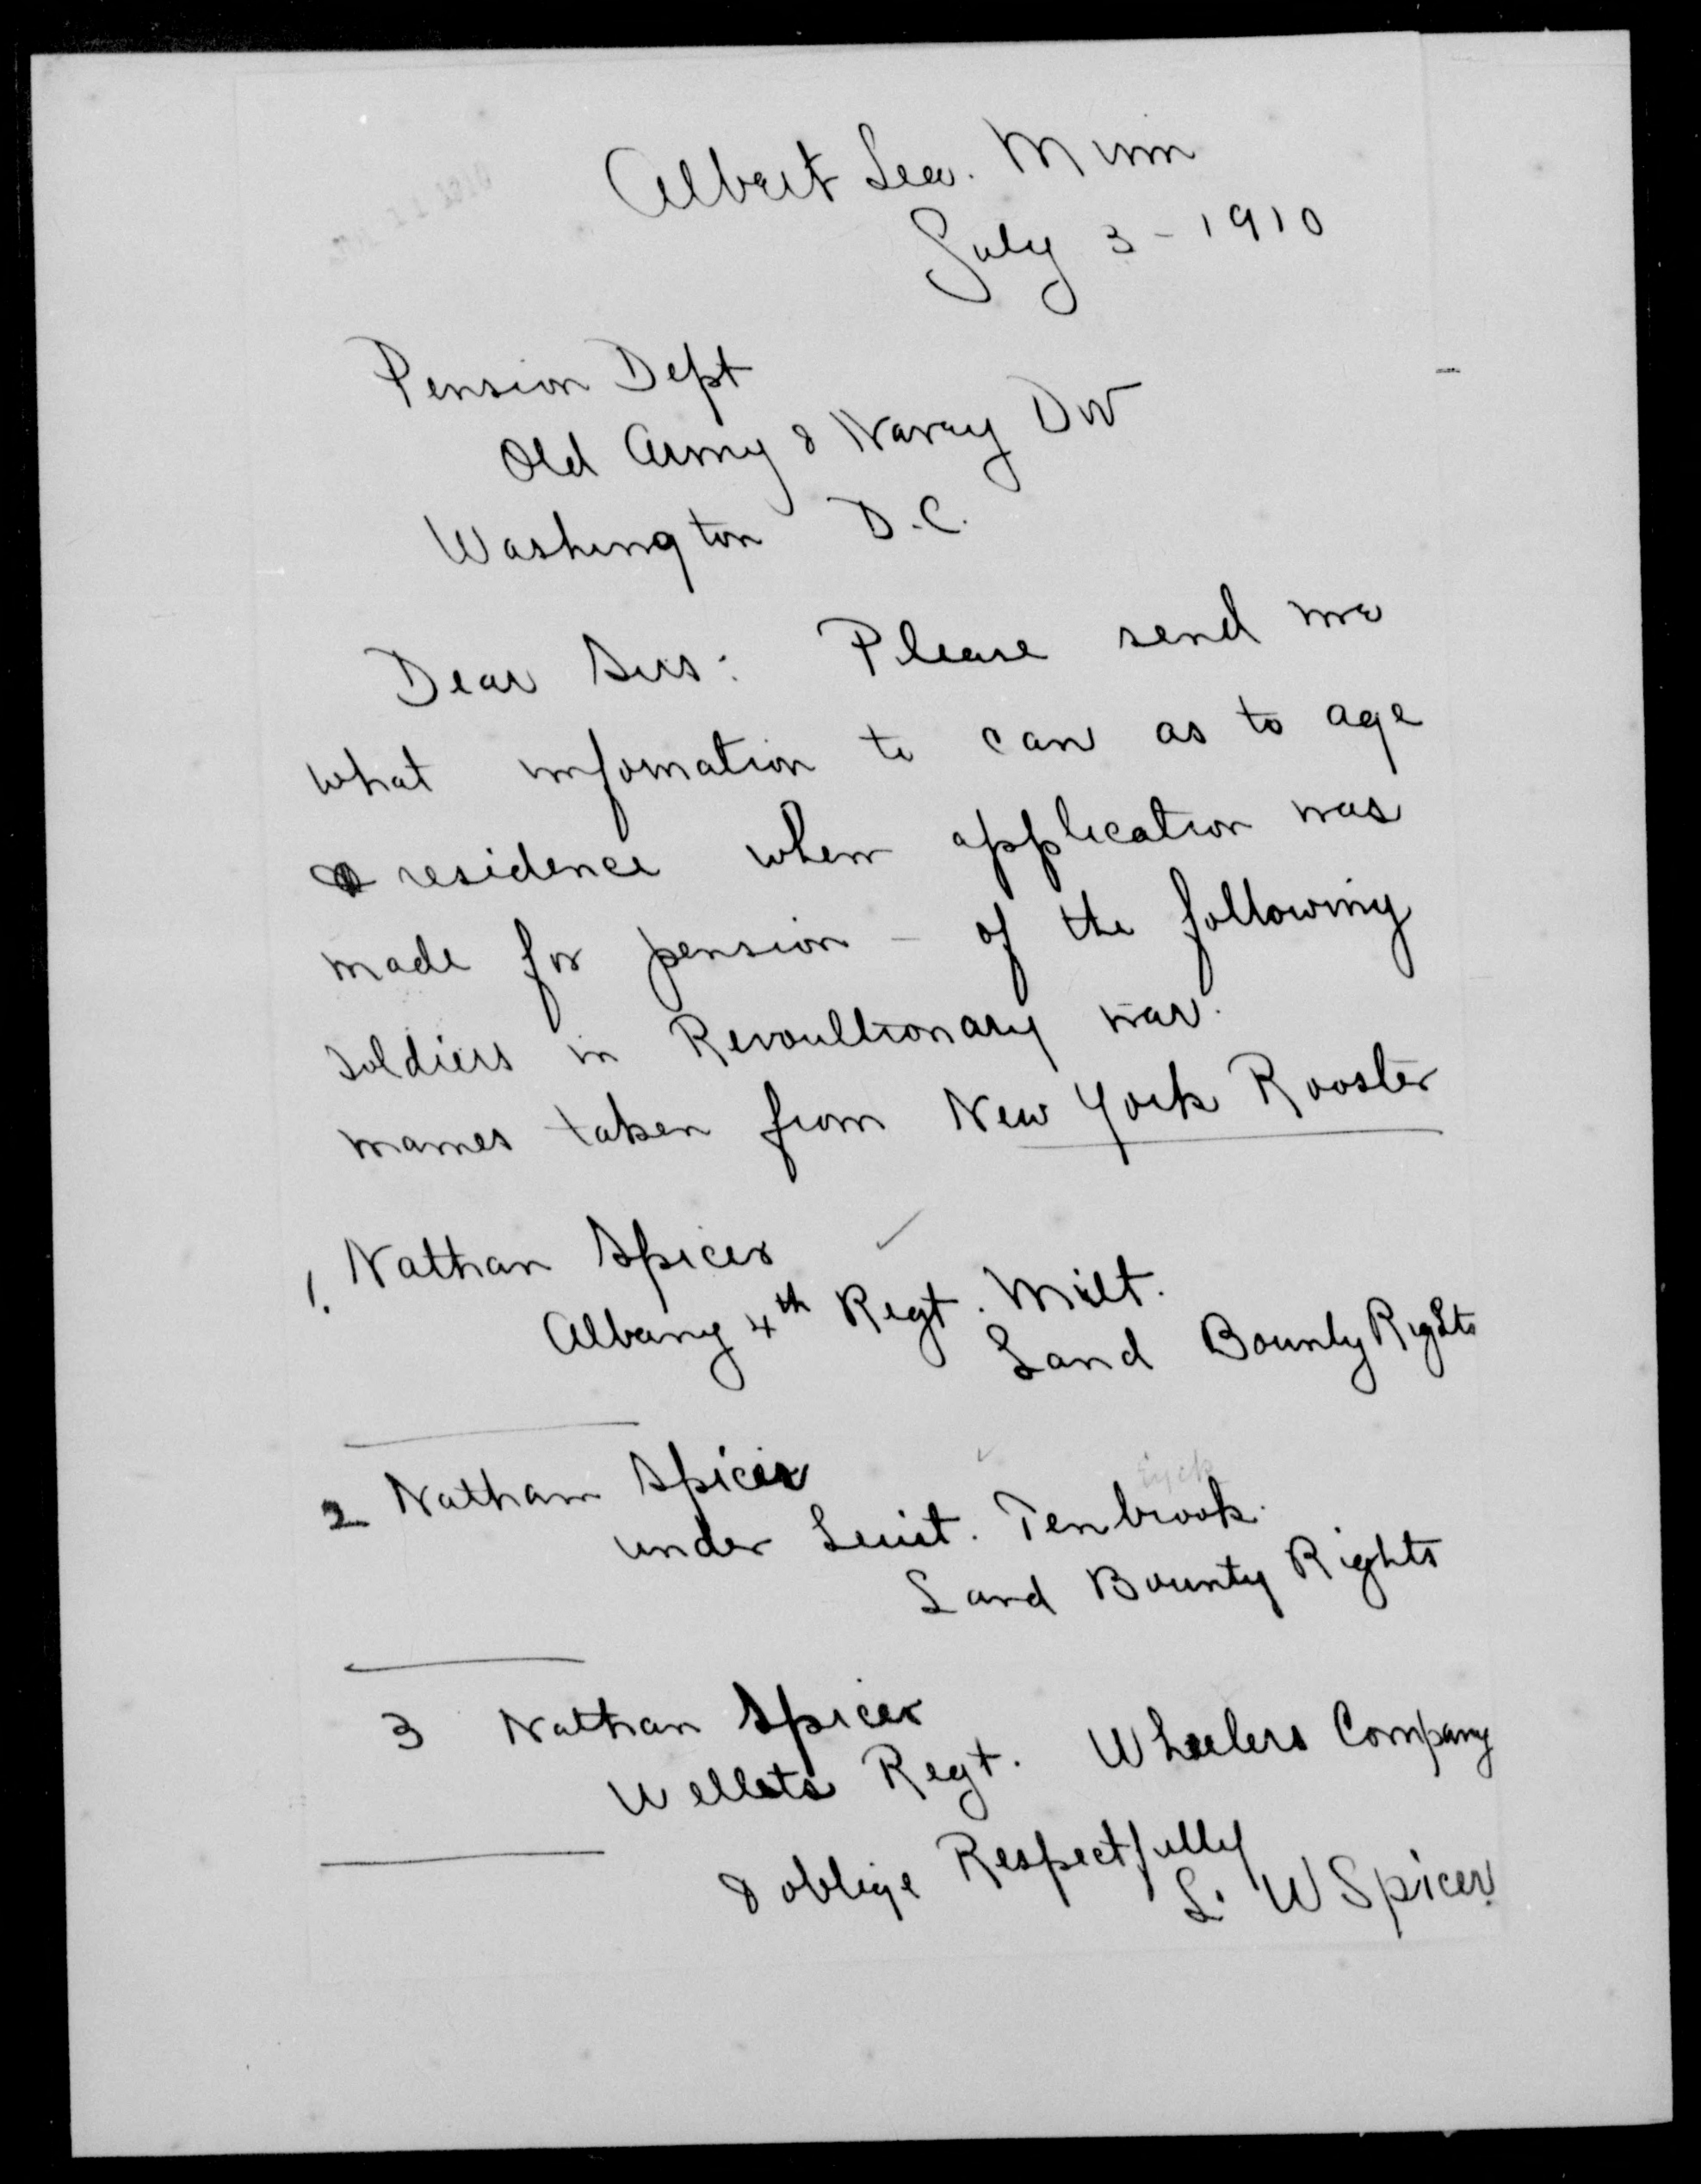Albert Lee. Minn
July 3 1910
Pension Dept.
Old Army & Navy Div
Washington D.C.
Dear Sirs:
Please send me what information to can as to age & residence when application was made for pension of the following soldiers in Revoultionary War.
Names taken from New York Rooster
1. Nathan Spicer
Albany 4th Regt. Milt. Land Bounty Rights
2. Nathan Spicer
Under Lieut. Penbrook. Land Bounty Rights
3. Nathan Spicer
Willets Regt. Wheelers Company
& oblige Respectfully
L.W. Spicer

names: Nathan Spicer; L W Spicer; Nathan Spicer; Nathan Spicer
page: 14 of 33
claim: rejected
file: R. 5603, for Nathan Spicer, New York